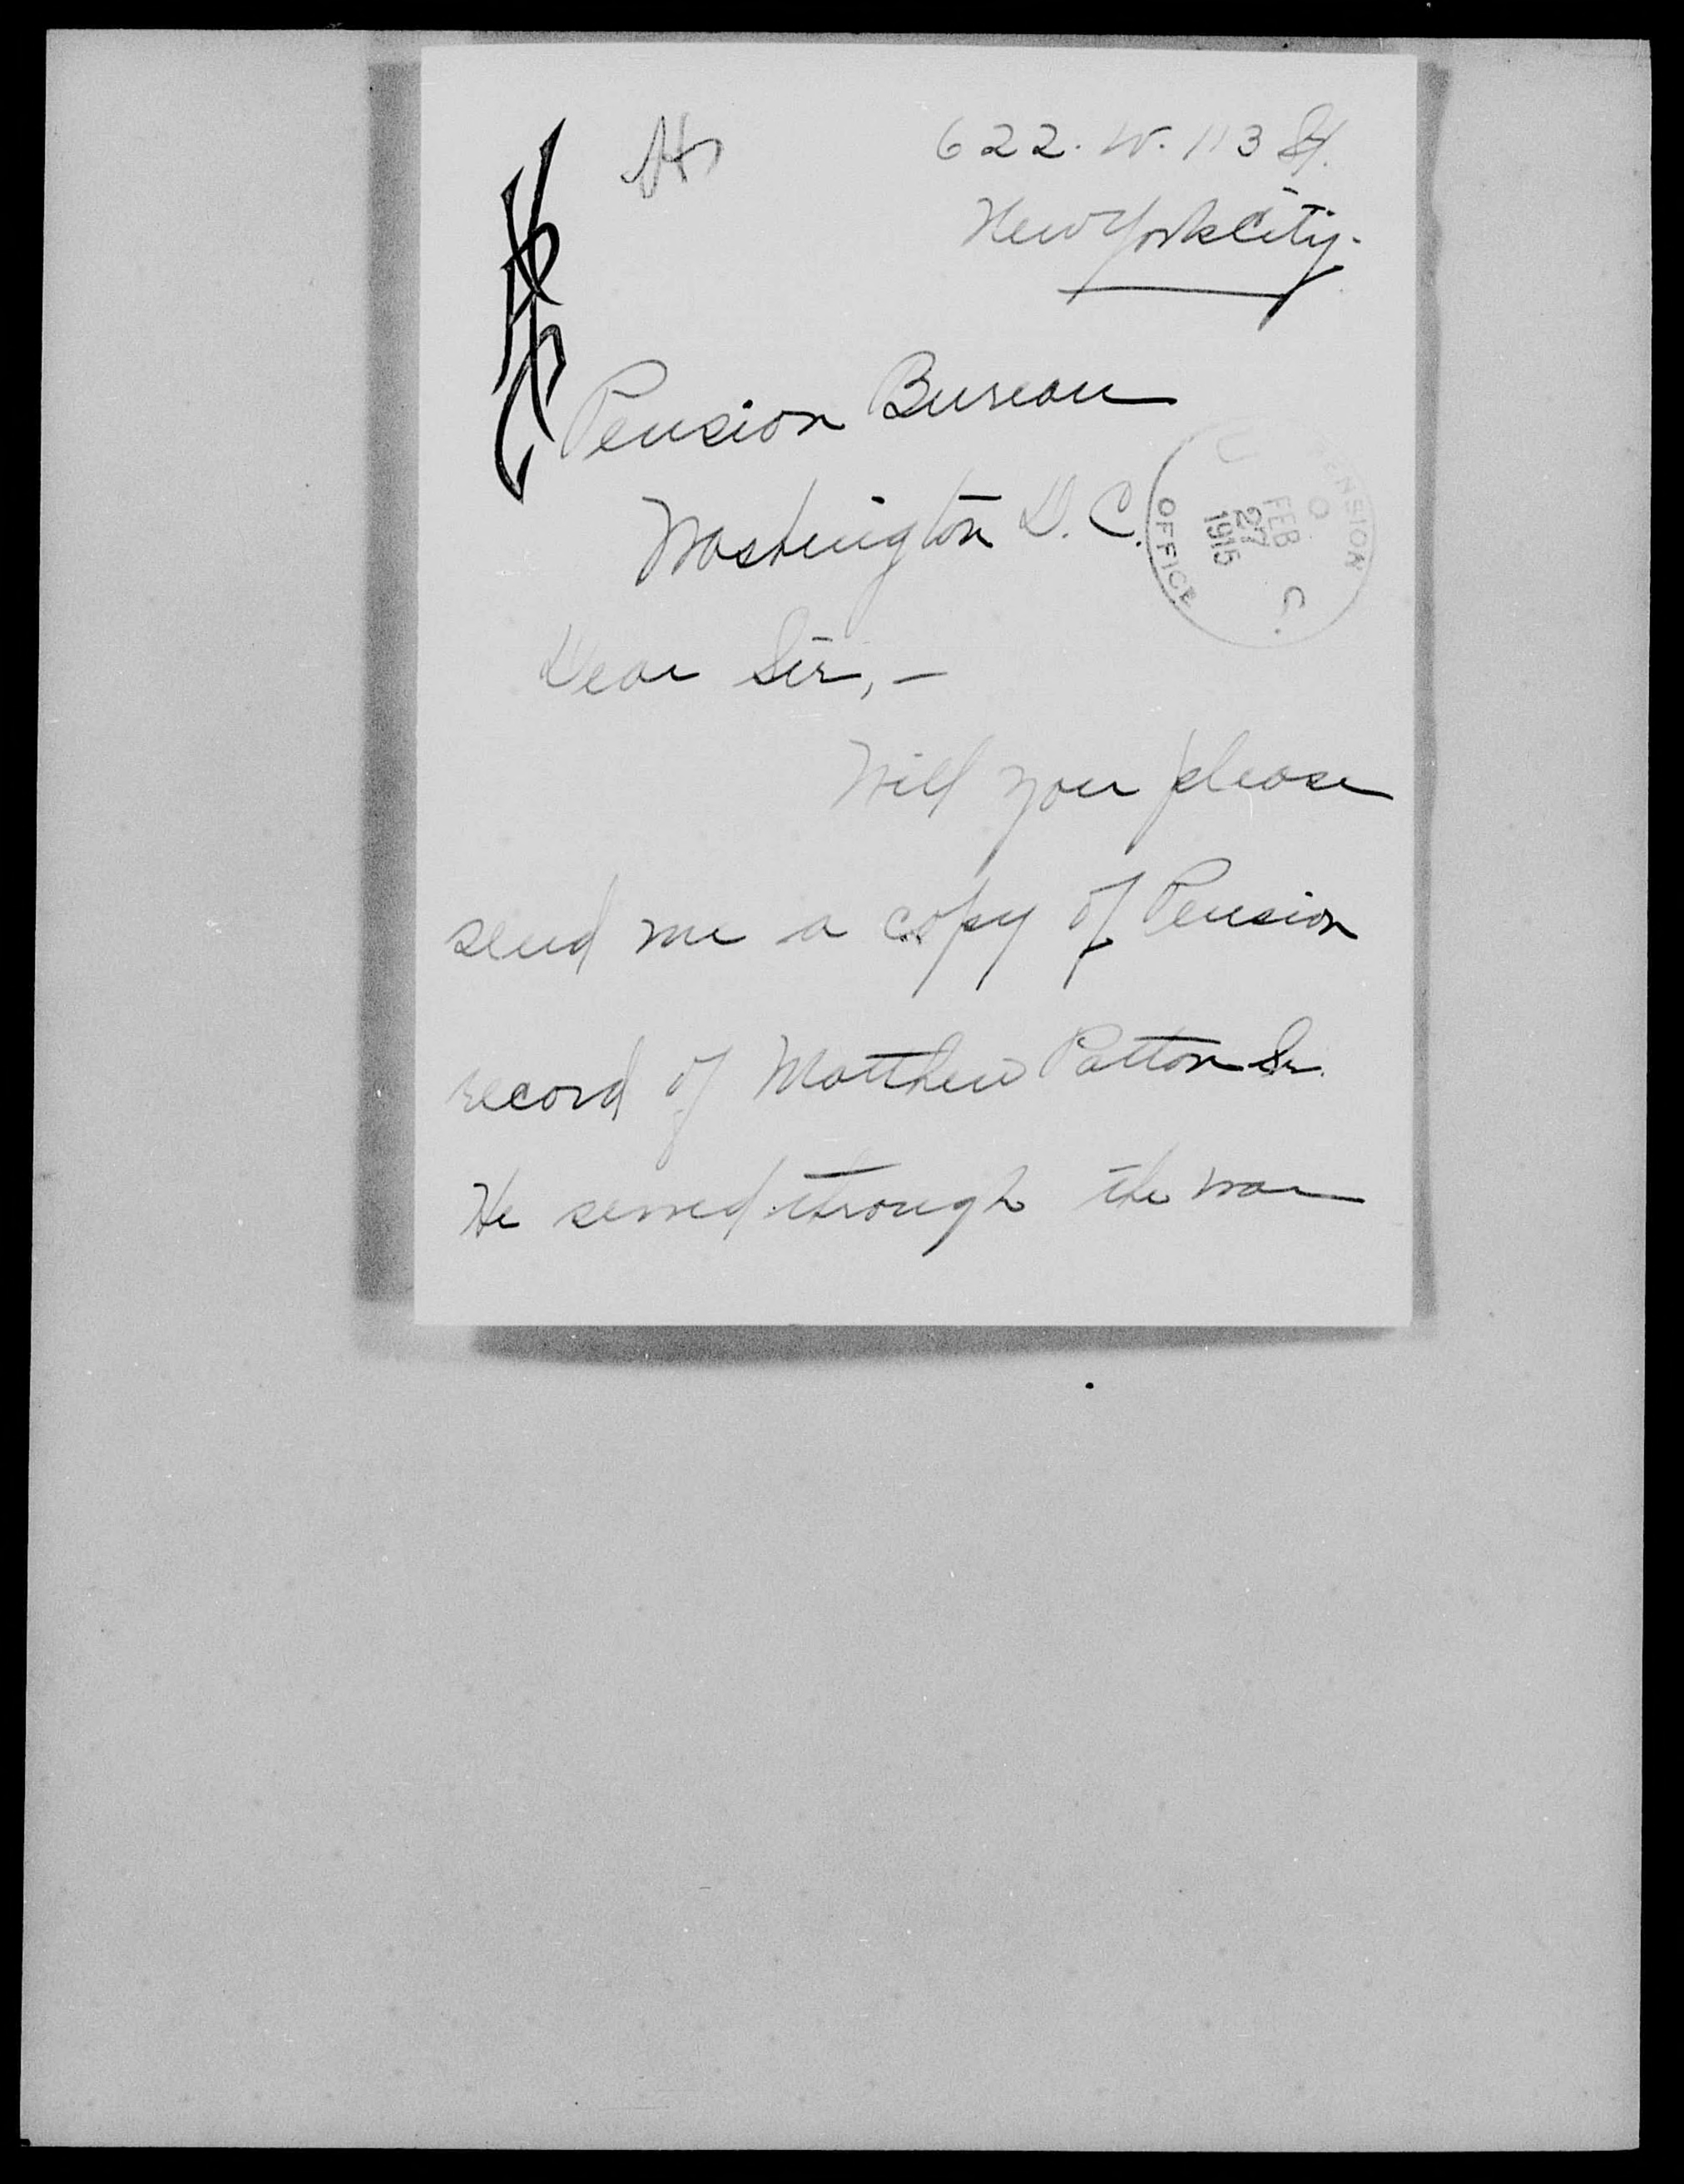622. W. 13. St
New York City
[VRC]
Pension Bureau
Washington D.C.
[Stamp]

Dear Sir,-
Will you please
and me a copy of Pension
record
of Matthew Patton Sr.
He served through the war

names: Matthew Patton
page: 17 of 45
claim: survivor's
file: S. 31294, for Matthew Patton, Maryland